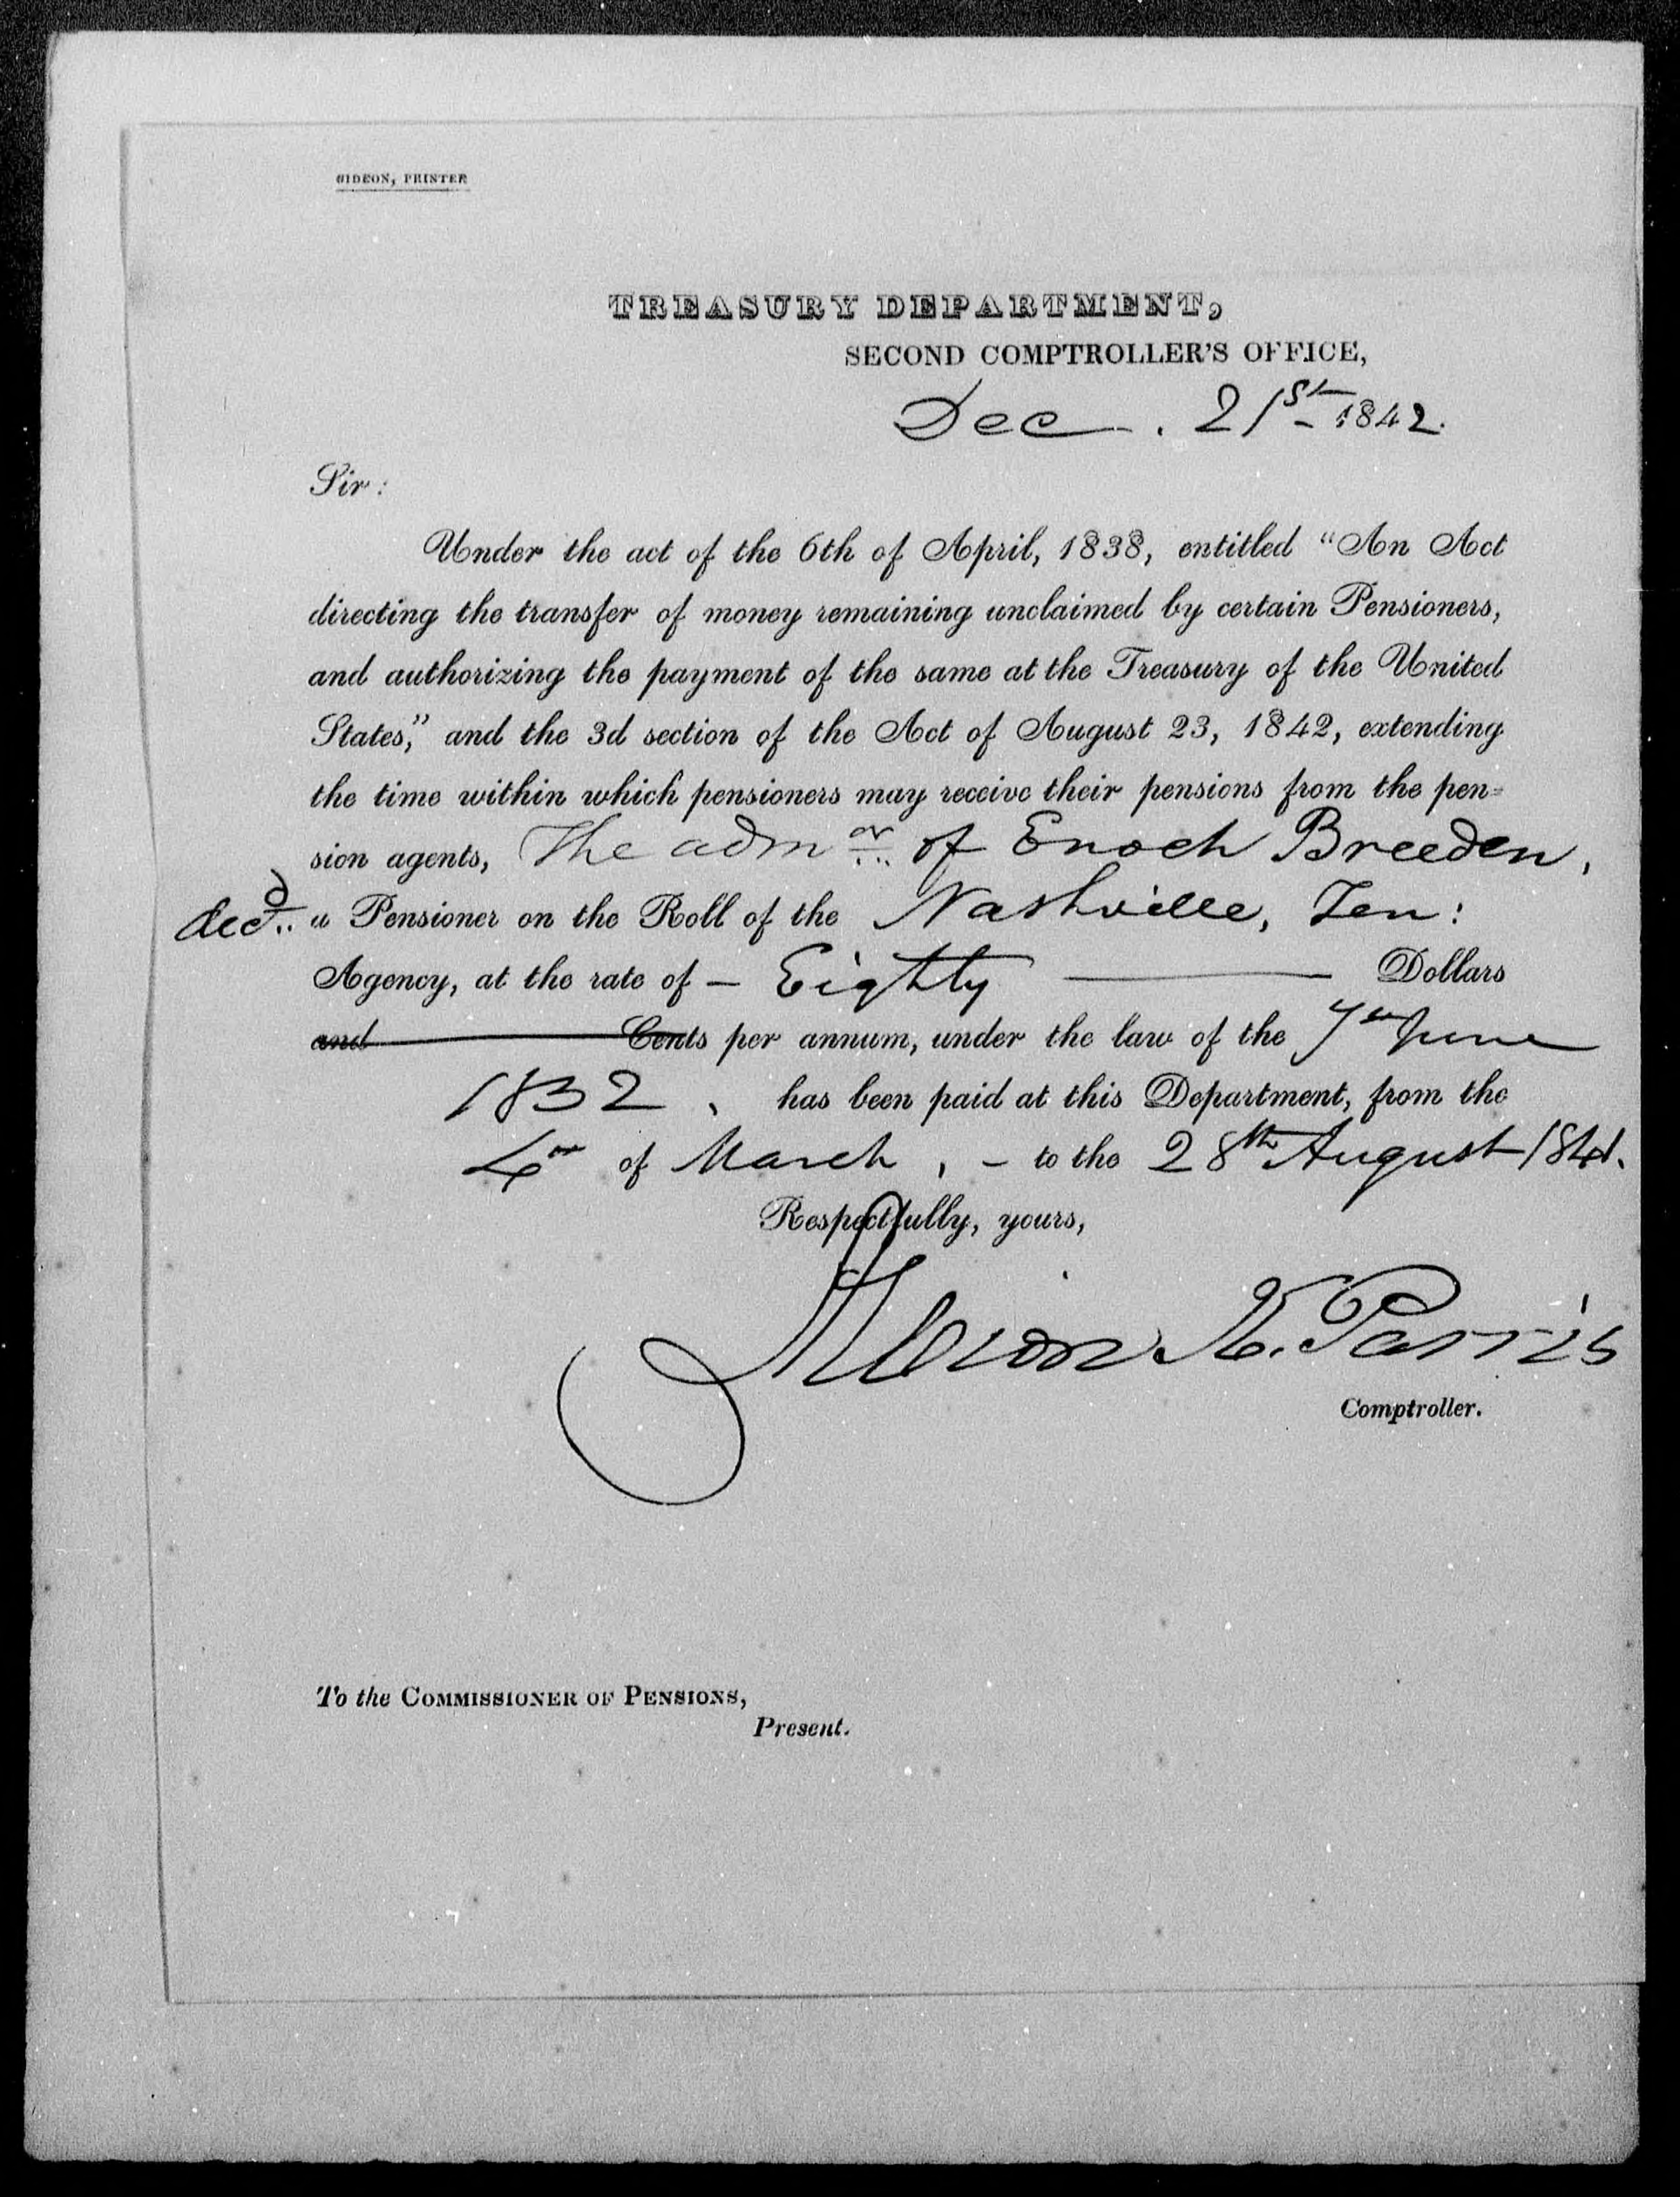GIDEON PRINTER 
TREASURE DEPARTMENT 
SECOND COMPTROLLER'S OFFICE,
Dec 21st 1842. 
Sir: 
Under the act of the 6th of April, 1838, entitled "An Act directing the transfer of money remaining unclaimed by certain Pensioners and authorizing the payment of the same at the Treasury of the United States” , and the 3d section of the Act of August 23, 1842, extending the time within which pensioners may receive their pensions from the pension agents, The Admr of Enoch Breeden dead Pensioner on the Roll of the Nashville, Ten: Agency, at the rate of Eighty Dollars per annum, under the law of the 7th June 1832, has been paid at this Department, from the of 4th of March to the 28th August 1841. 
Respectfully, yours, 
Albion K. Parris 
Comptroller

To the COMMISSIONER OF PENSIONS, Present.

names: Enoch Breeden, Albion K Parris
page: 22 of 27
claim: survivor's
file: S. 1747, Enoch Breeden, Va.